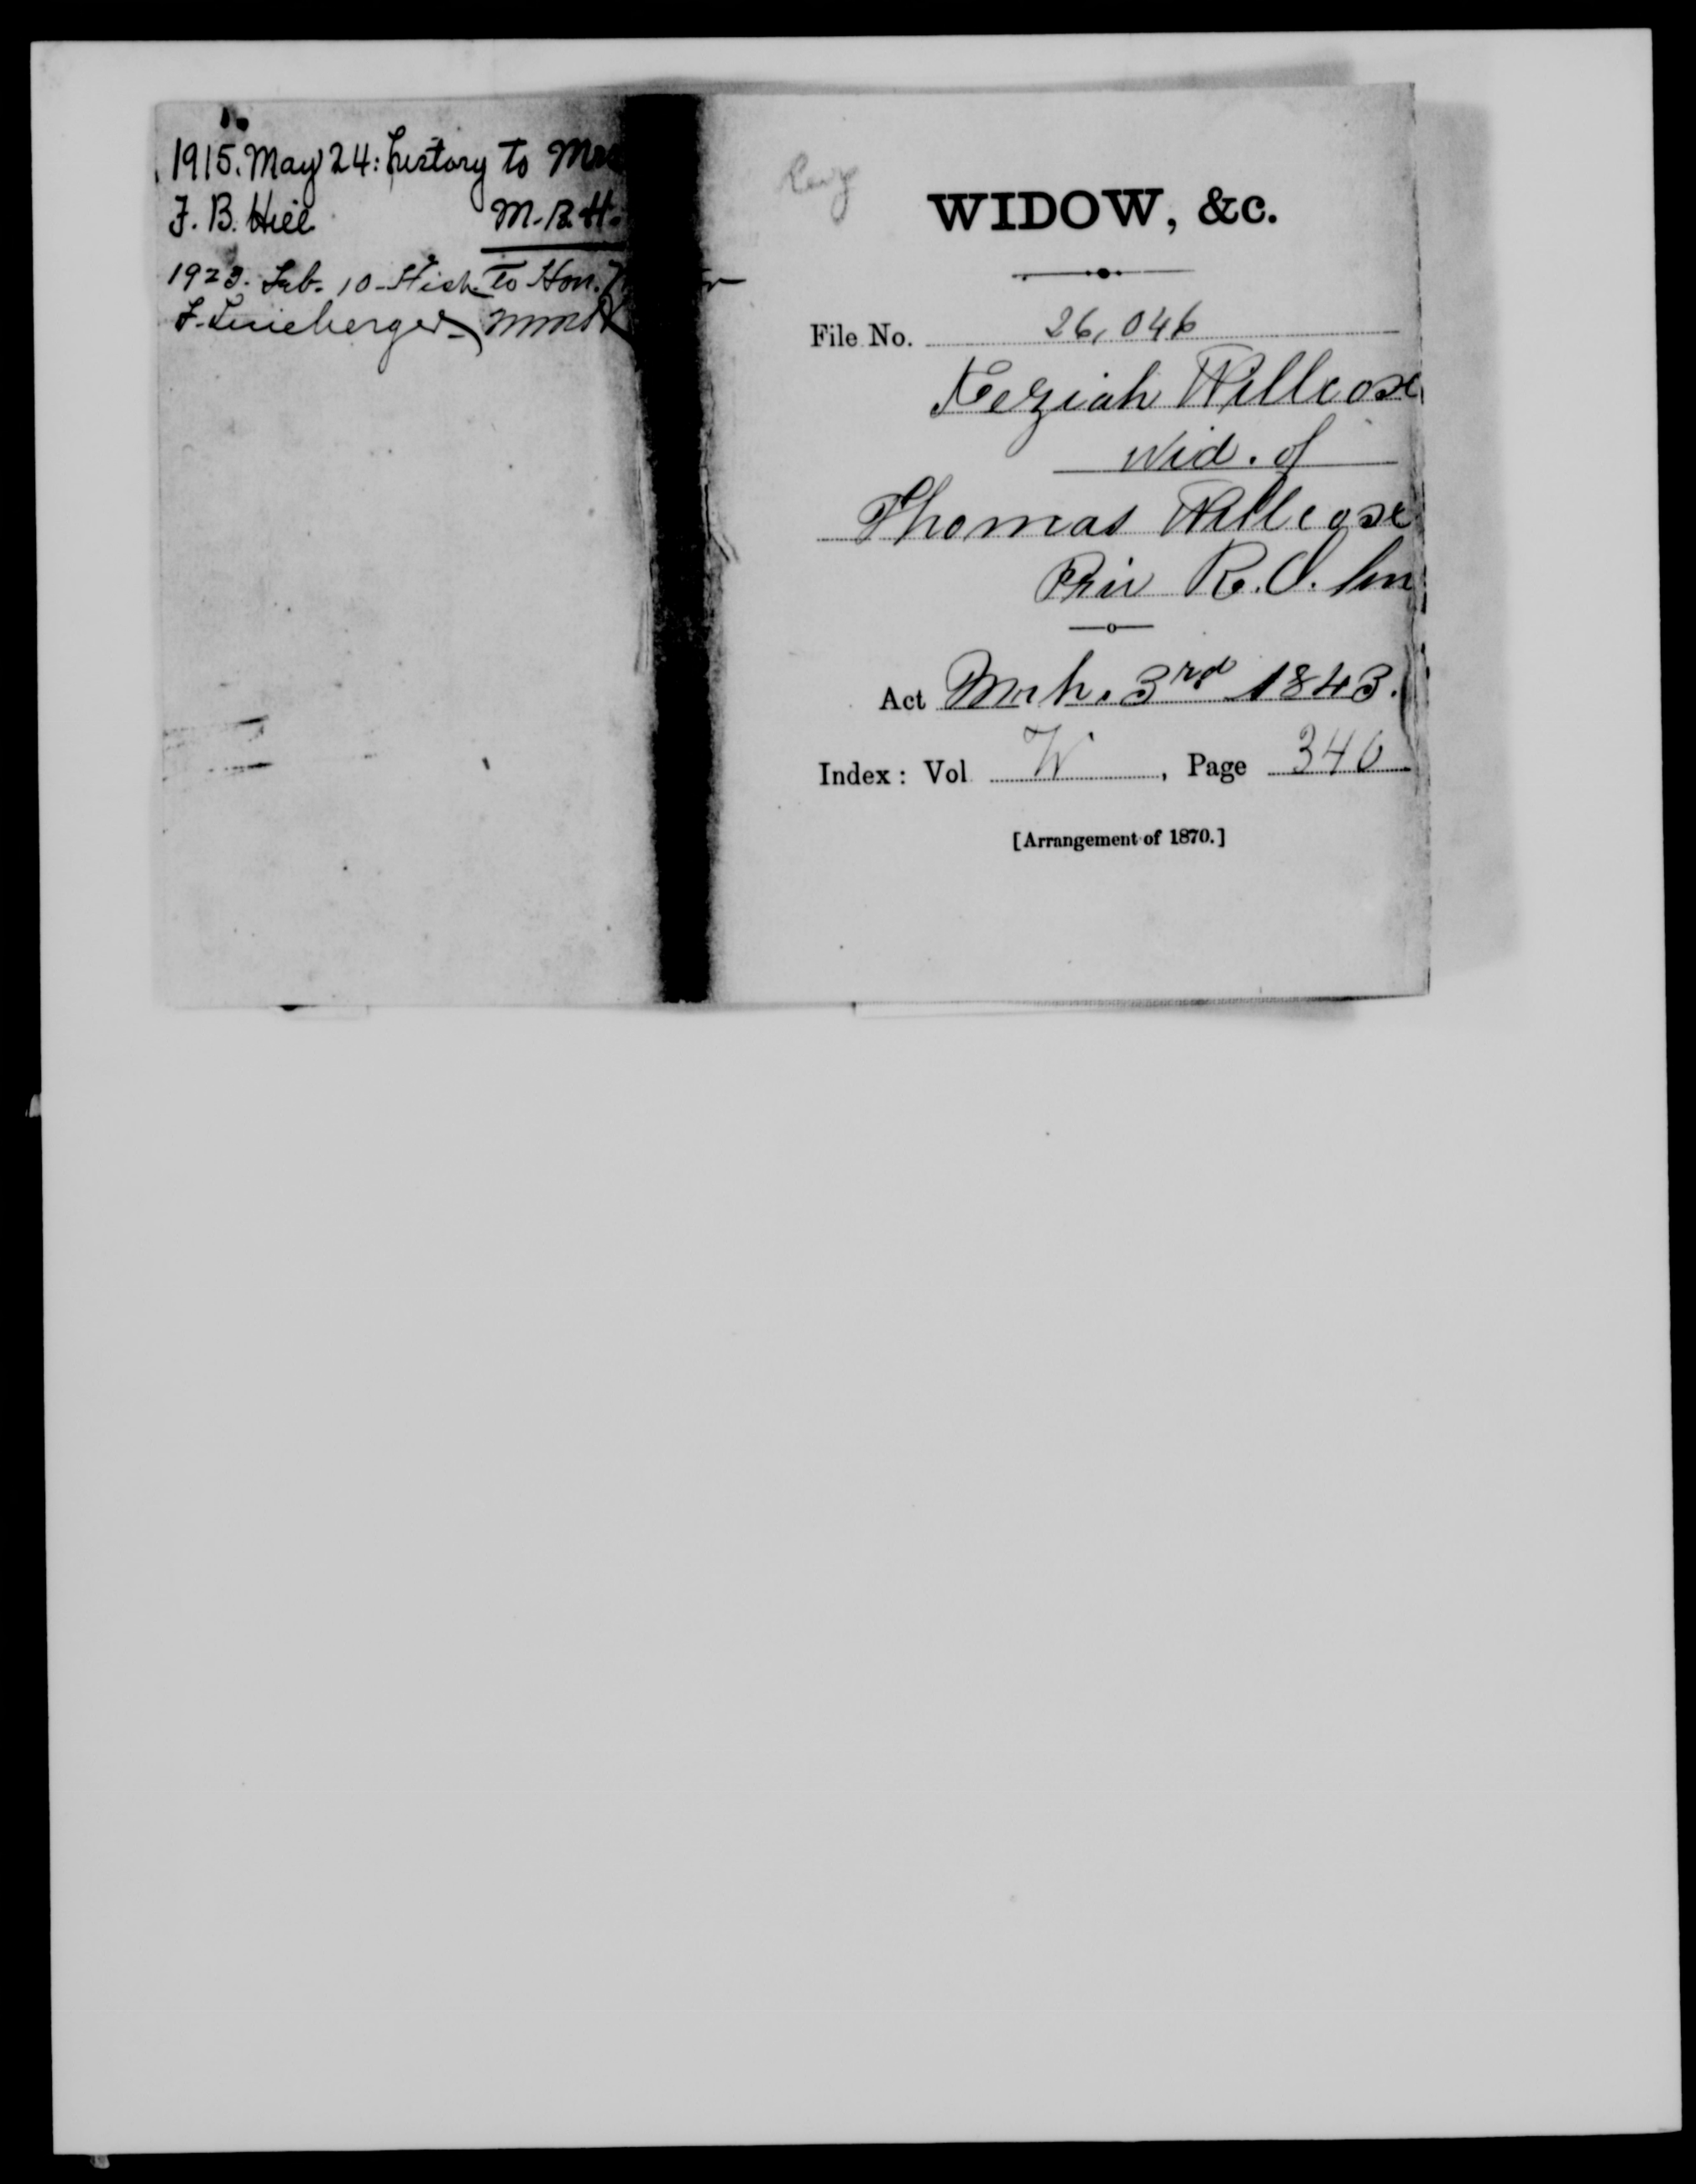1915, May 24: History to
[illegible-dark image]
J.B.Hill M-Botto
1923. Feb. 10-Kish
to Hon. [Illegible- dark image]
F. Luieberger MMSK

WIDOW, &c.
File No. 260,46
Keziah Willcox
Wid of 
Thomas Willcox
Priv R. I. In

Act Mar 3rd 1843
Index: Vol. 7, Page 340
Arrangement of 1870.)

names: Keziah Willcox, F B Hill, Walter F Lineberger, Thomas Willcox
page: 35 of 39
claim: widow's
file: W. 26046, Thomas Willcox, R.I.